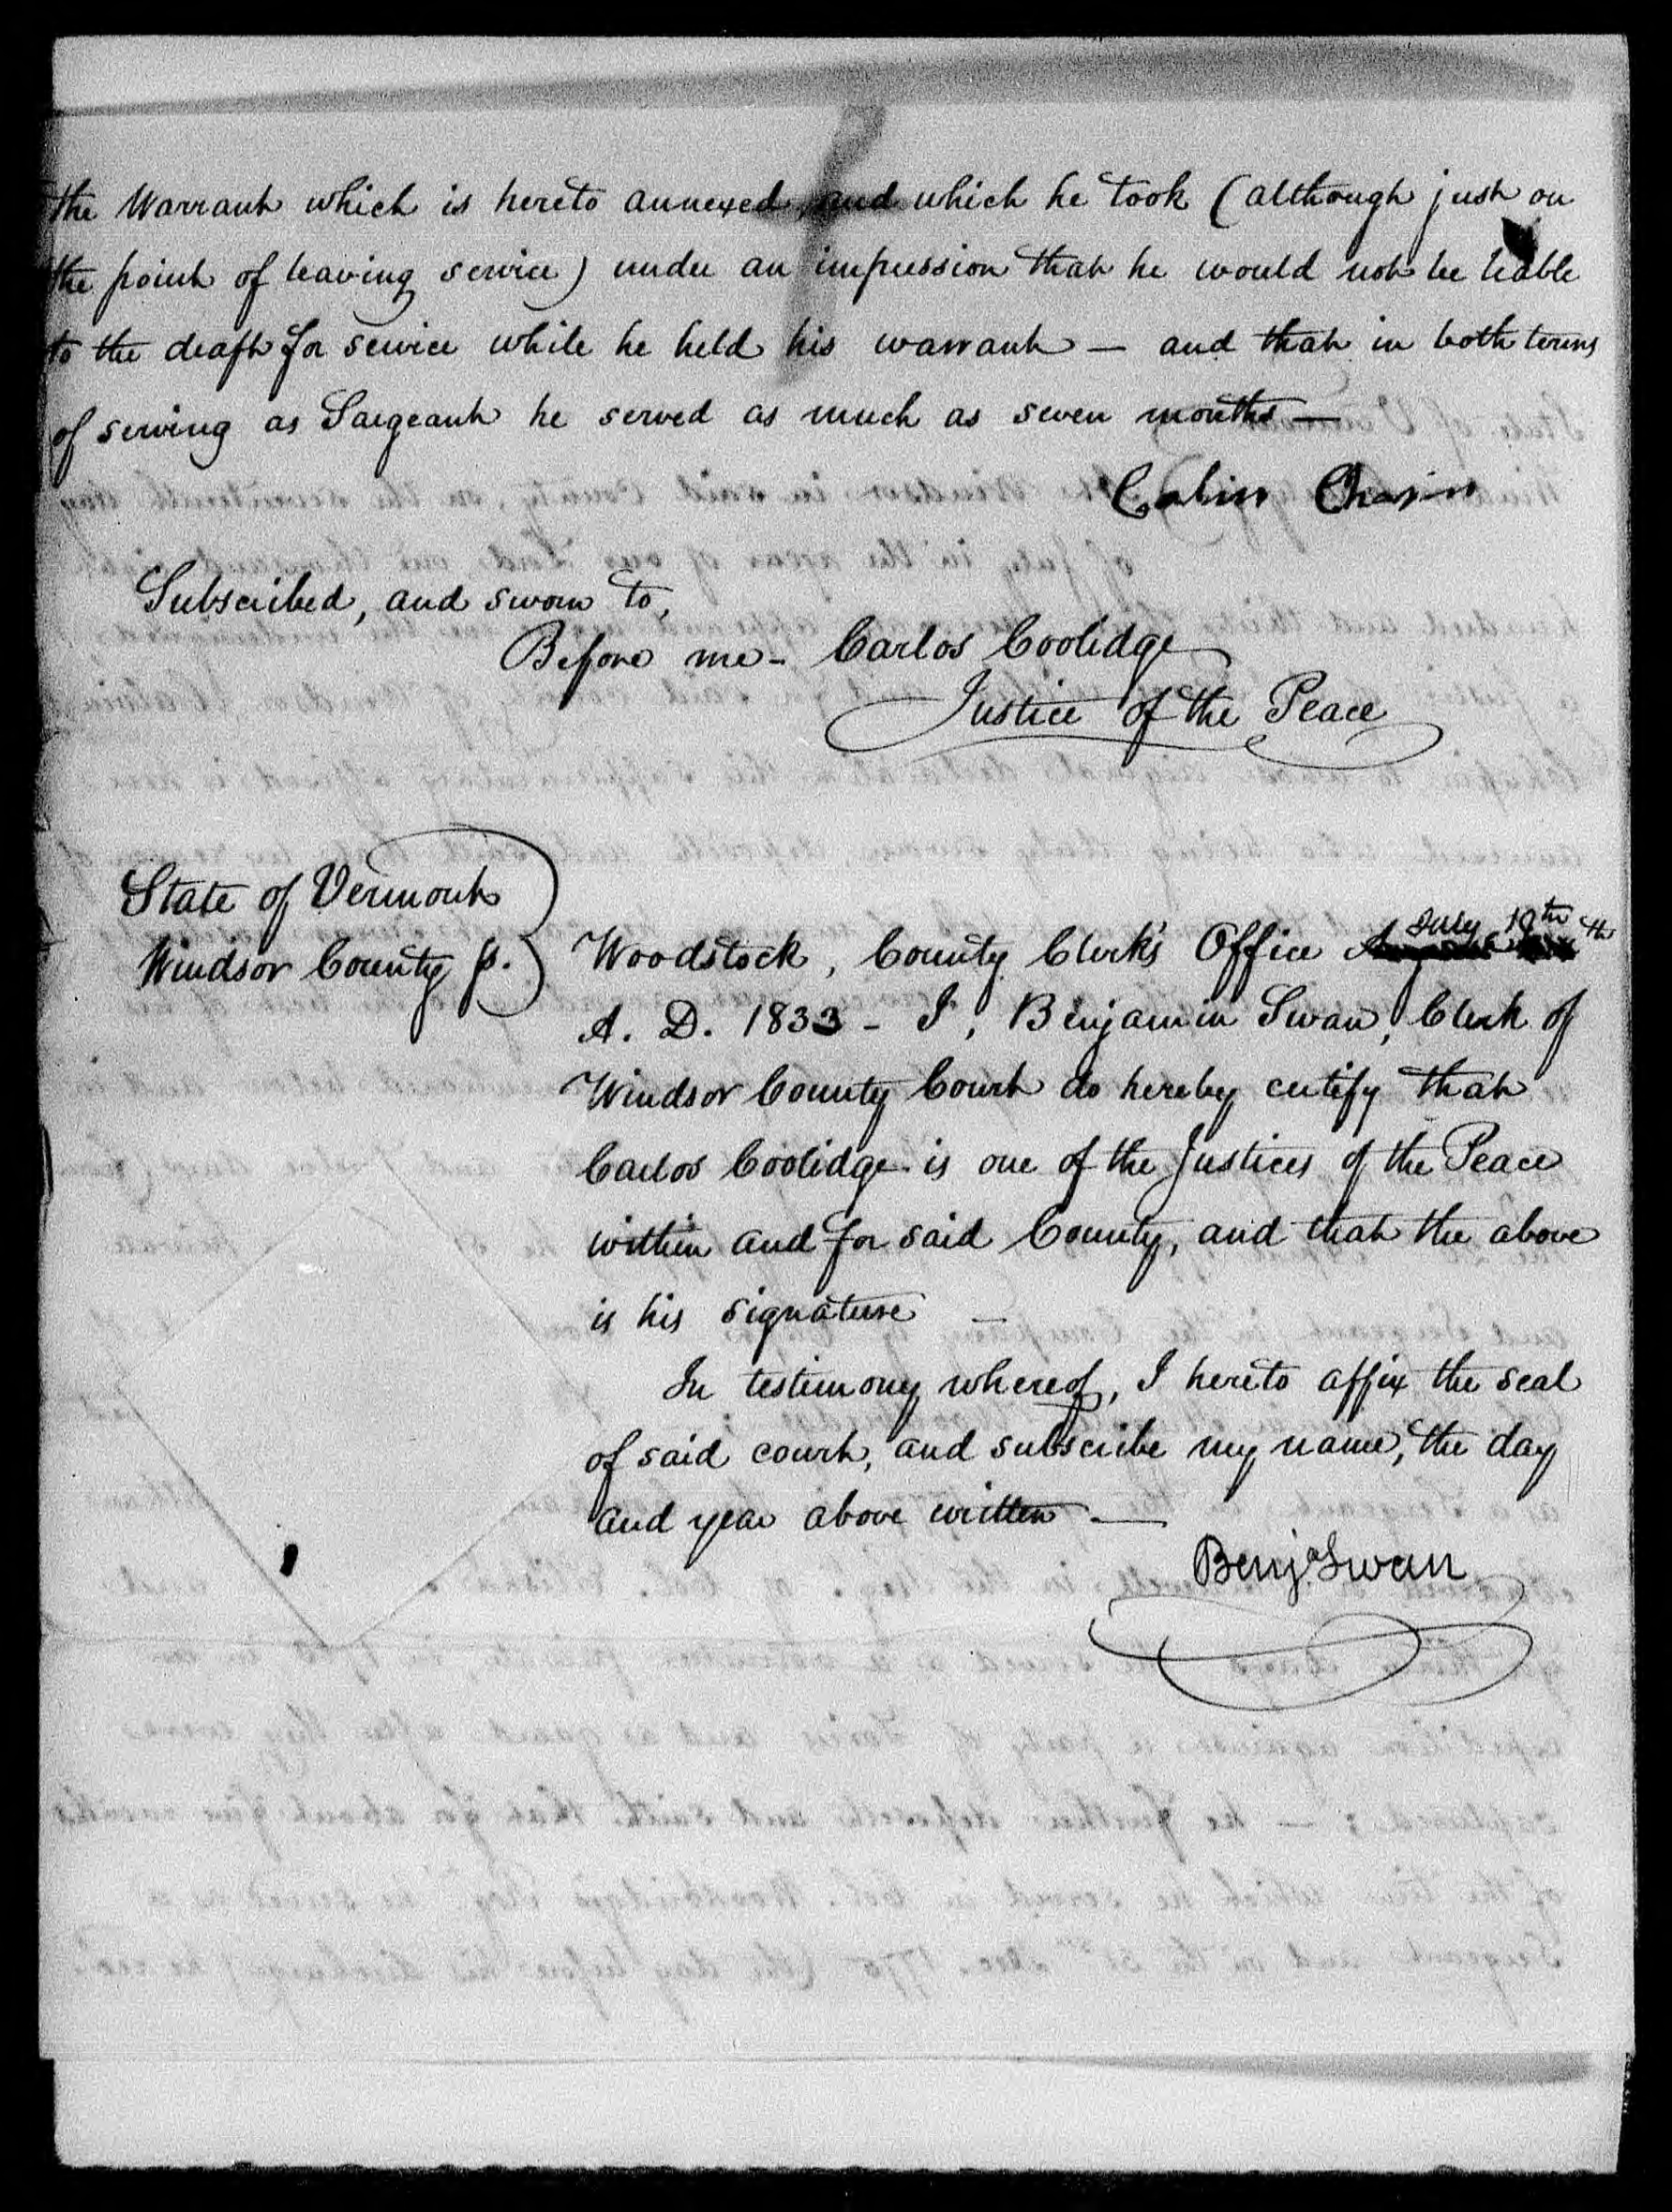the Warrant which is hereto annexed, and which he took (although just on the point of leaving service) under an impression that he would not be liable to the draft for service while he held his warrant - and that in both terms of serving as Sargeant he served as much as seven months - 
/s/Calvin Chapin
Subscribed, and sworn to, 
Before me - /s/Carlos Coolidge Justice of the Peace

State of Vermont
Windsor County ss} Woodstock, County Clerk's Office ['August 20th' crossed out] July 19th this A. D. 1833 - I, Benjamin Swan, Clerk of Windsor County Court do hereby certify that Carlos Coolidge is one of the Justices of the Peace within and for said County, and that the above is his signature - 
[court seal affixed] In testimony whereof, I hereto affix the seal of said court, and subscribe my name, the day and year above written - 
/s/Benj Swan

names: Calvin Chapin, Benjamin Swan, Carlos Coolidge, Benja Swan, Carlos Coolidge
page: 22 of 35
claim: widow's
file: W. 20,864, Calvin Chapin, Mass. Vt.